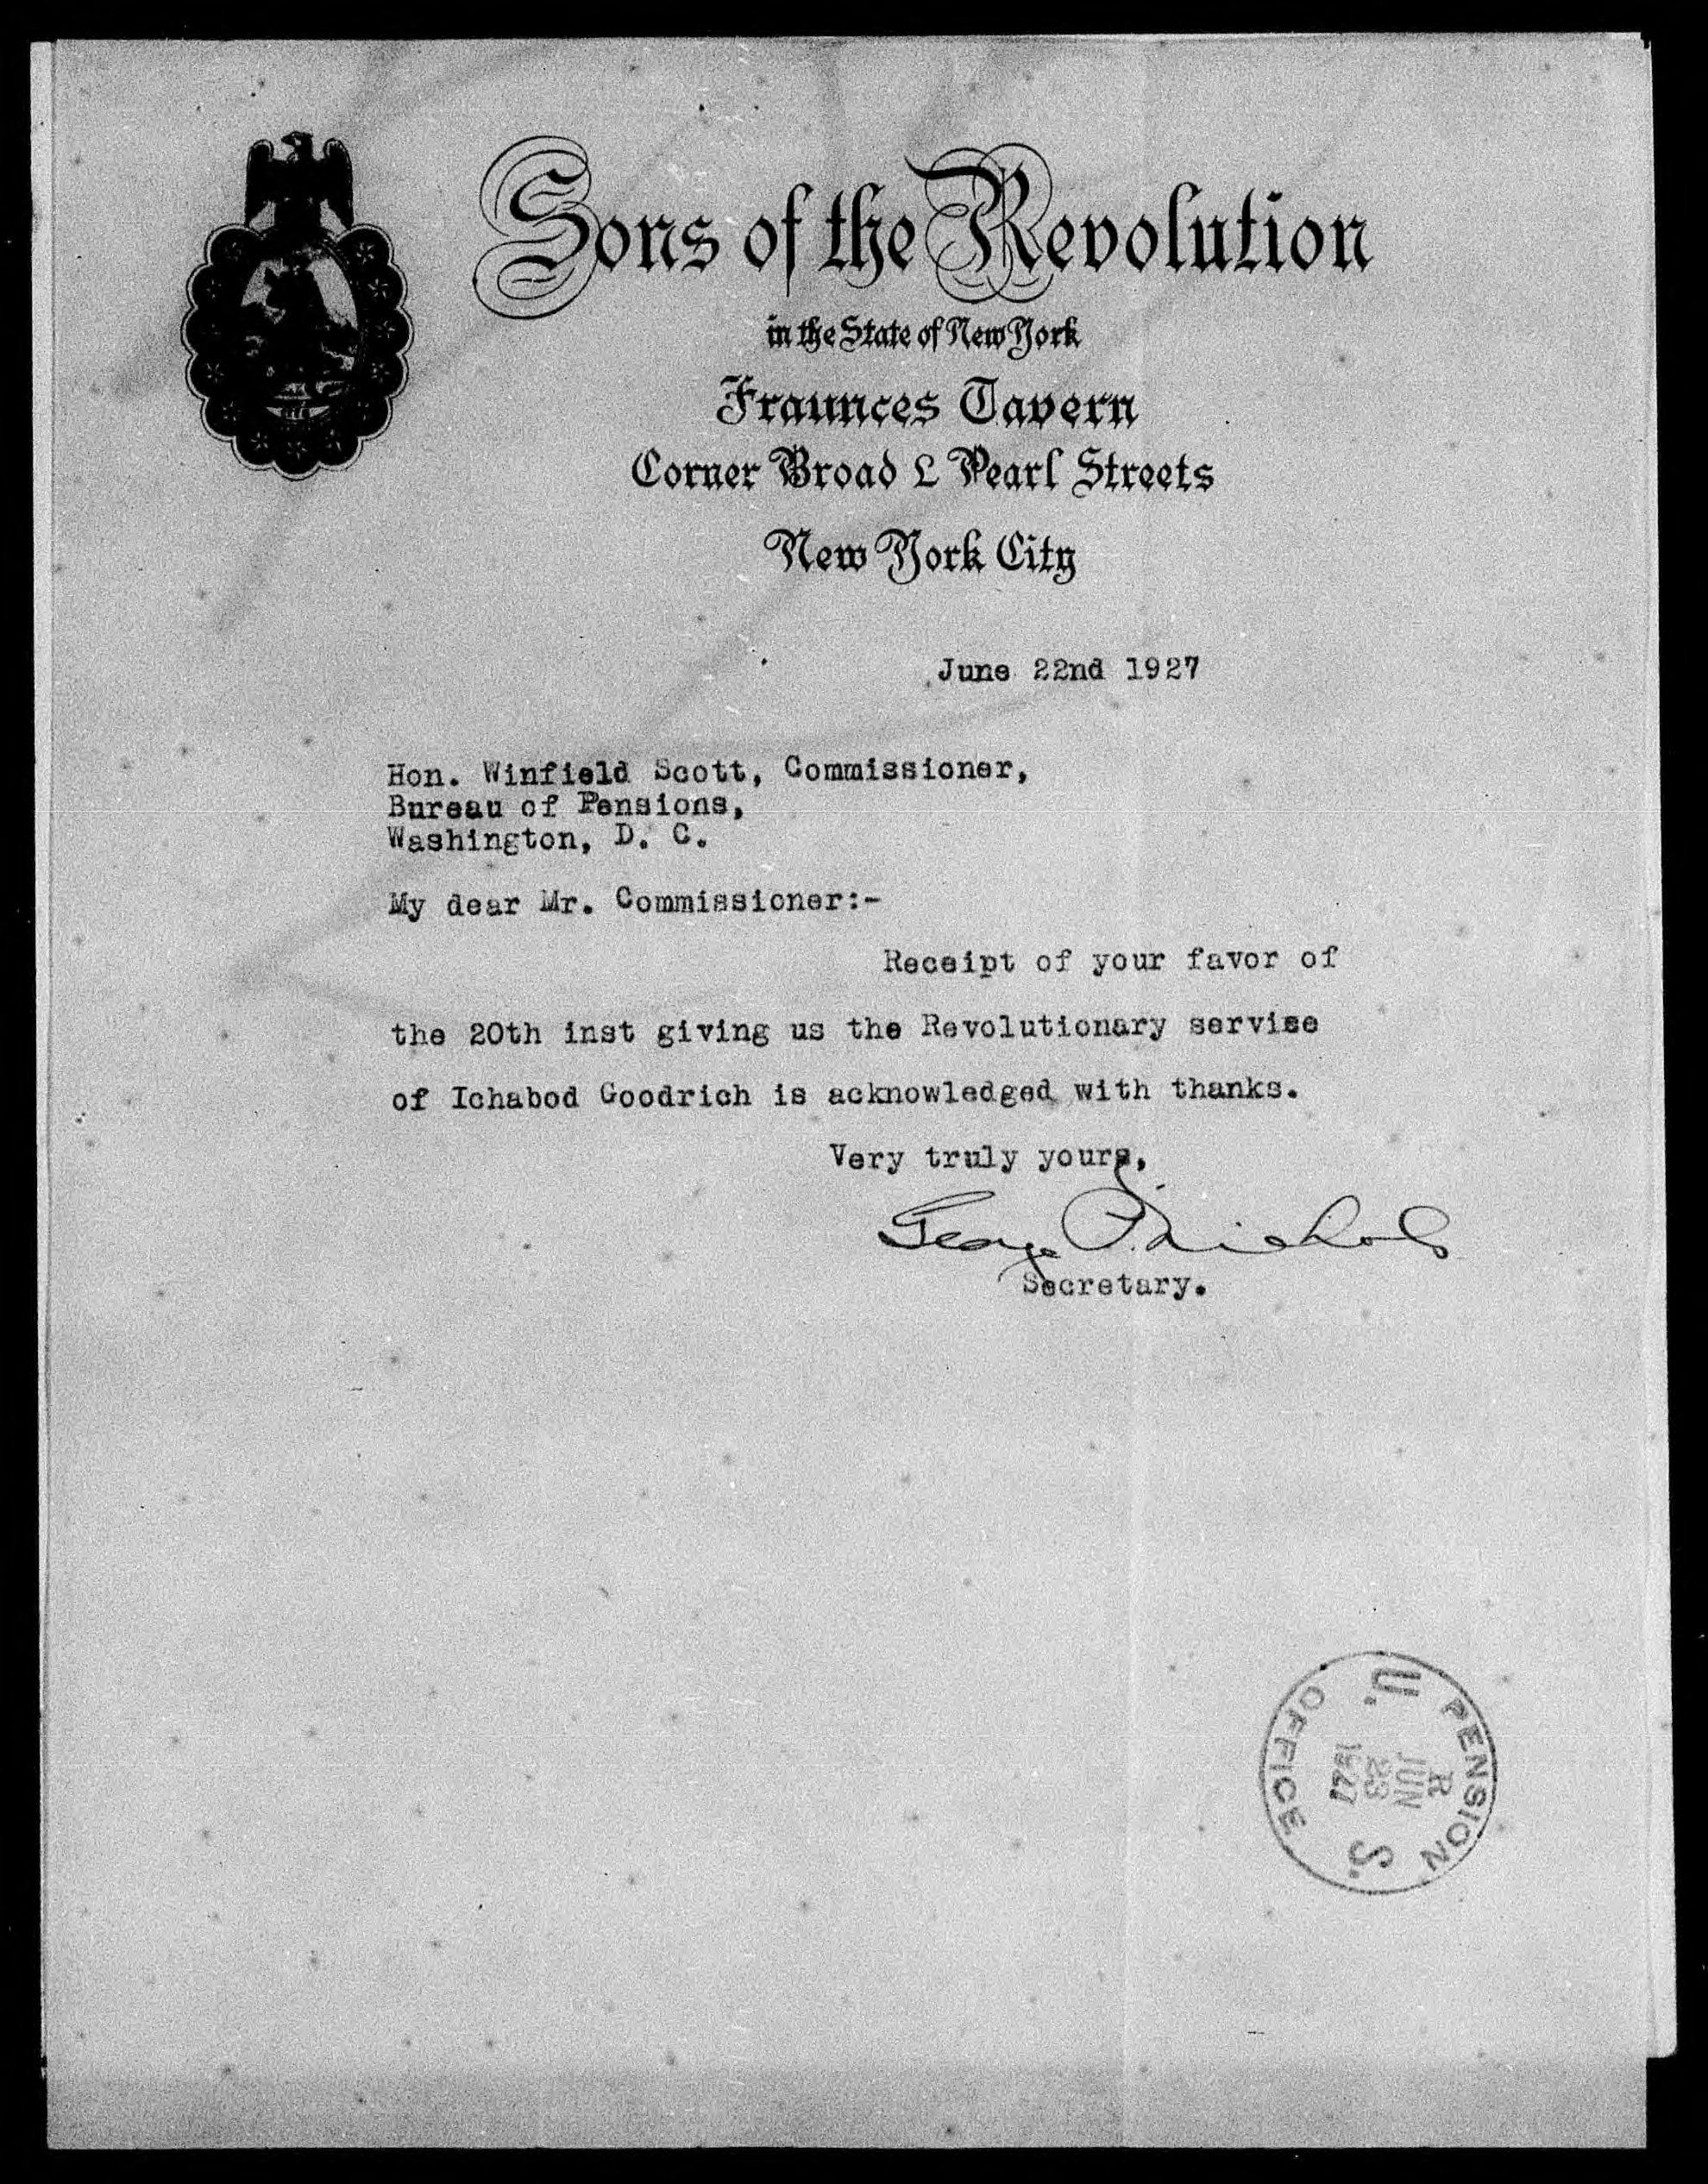Sons of the Revolution
in the State of New York

Fraunces Tavern
Corner Broad & Pearl Streets
New York City

June 22nd 1927

Hon. Winfield Scott, Commissioner, 
Bureau of Pensions 
Washington, D. C.

My dear Mr. Commissioner: - 
Receipt of your favor of the 20th inst giving us the Revolutionary service of Ichabod Goodrich is acknowledged with thanks.

Very truly yours,
George P. Nichols
Secretary.

U.S.
PENSION 
OFFICE
R
JUNE 23 1927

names: Winfield Scott, George P Nichols, Ichabod Goodrich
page: 14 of 46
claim: survivor's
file: S. 36,556, Ichabod Goodrich, Conn.